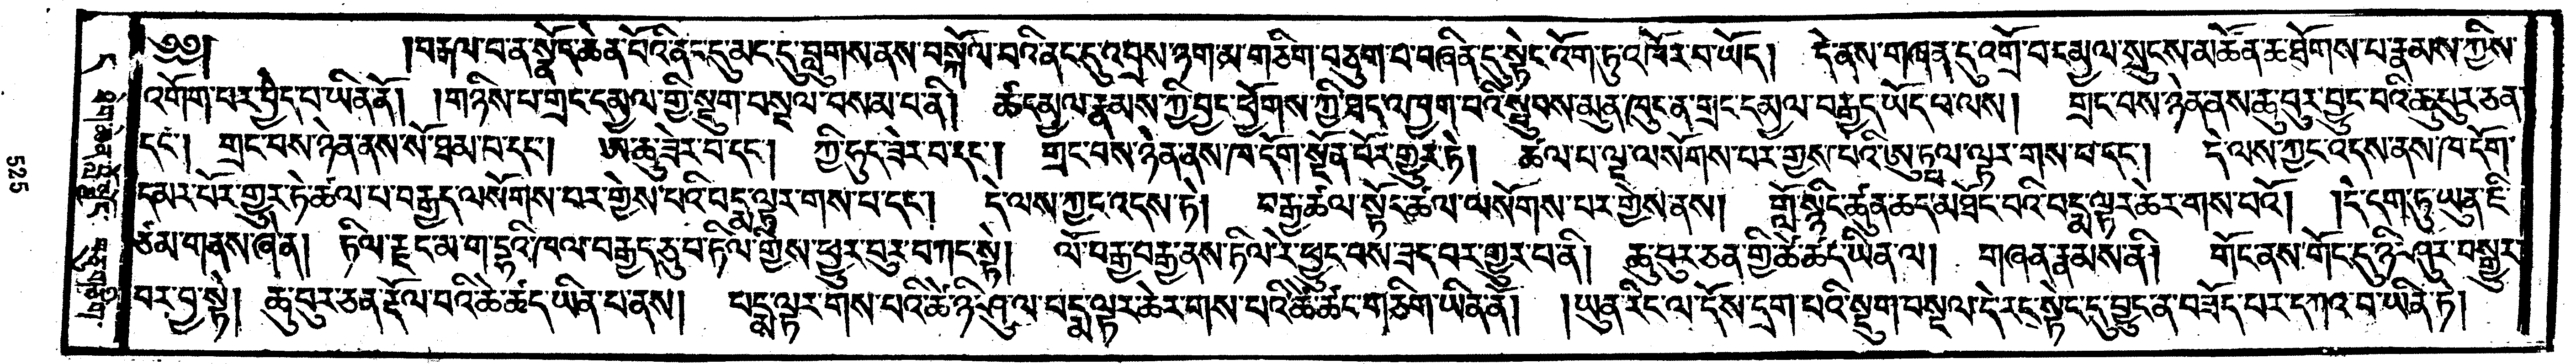༄༅། །བརྒལ་བ་ན་སྣོད་ཆེན་པོའི་ནང་དུ་མང་དུ་བླུགས་ནས་བསྐོལ་བའི་ནང་དུ་འབྲས་ཉག་མ་གཅིག་བཅུག་བ་བཞིན་དུ་སྟེང་འོག་ཏུ་འཁོར་བ་ཡོད། དེ་ནས་གཞན་དུ་འགྲོ་བ་དམྱལ་སྲུངས་མཚོན་ཆ་ཐོགས་པ་རྣམས་ཀྱིས་
འགོག་པར་བྱེད་པ་ཡིན་ནོ། །གཉིས་པ་གྲང་དམྱལ་གྱི་སྡུག་བསྔལ་བསམ་པ་ནི། ཚ་དམྱལ་རྣམས་ཀྱི་བྱང་ཕྱོགས་ཀྱི་ཐད་འཁྱག་པའི་སྤུབས་མུན་ཁུང་ན་གྲང་དམྱལ་བརྒྱད་ཡོད་པ་ལས། གྲང་བས་ཉེན་ནས་ཆུ་བུར་བྱུང་བའི་ཆུ་པུར་ཅན་
དང་། གྲང་བས་ཉེན་ནས་སོ་ཐམ་བ་དང་། ཨ་ཆུ་ཟེར་བ་དང་། ཀྱི་ཧུད་ཟེར་བ་དང་། གྲང་བས་ཉེན་ནས་ཁ་དོག་སྔོན་པོར་གྱུར་ཏེ། ཚལ་པ་ལྔ་ལ་སོགས་པར་གྱས་པའི་ཨུ་ཏྤལ་ལྟར་གས་བ་དང་།དེ་ལས་ཀྱང་འདས་ནས་ཁ་དོག་
དམར་པོར་གྱུར་ཏེ་ཚལ་པ་བརྒྱད་ལ་སོགས་པར་གྱེས་པའི་པདམ་ལྟར་གས་པ་དང་། དེ་ལས་ཀྱང་འདས་ཏེ། བརྒྱ་ཚལ་སྟོང་ཚལ་ལ་སོགས་པར་གྱེས་ནས། གློ་སྙིང་ཚུན་ཆད་མཐོང་བའི་པདམ་ལྟར་ཆེར་གས་པའོ། །དེ་དག་ཏུ་ཡུན་ཇི་
ཙམ་གནས་ཞེ་ན། ཏིལ་རྗང་མ་ག་དྷའི་ཁལ་བརྒྱད་ཅུ་པ་ཏིལ་གྱིས་ཕྱུར་བུར་བཀང་སྟེ། ལོ་བརྒྱ་བརྒྱ་ནས་ཏིལ་རེ་ཕྱུང་བས་ཟད་བར་གྱུར་པ་ནི། ཆུ་བུར་ཅན་གྱི་ཚེ་ཚད་ཡིན་ལ། གཞན་རྣམས་ནི། གོང་ནས་གོང་དུ་ཉི་ཤུར་བསྒྱུར་
བར་བྱ་སྟེ། ཆུ་བུར་ཅན་རྡོལ་བའི་ཆེ་ཚད་ཡིན་པ་ནས། པདམ་ལྟར་གས་པའི་ཚེ་ཉི་ཤུ་ལ་པདམ་ལྟར་ཆེར་གས་པའི་ཚེ་ཚང་གཅིག་ཡིན་ནོ། །ཡུན་རིང་ལ་དོས་དྲག་པའི་སྡུག་བསྔལ་དེ་རང་སྟེང་དུ་བྱུང་ན་བཟོད་པར་དཀའ་བ་ཡིན་ཏེ།